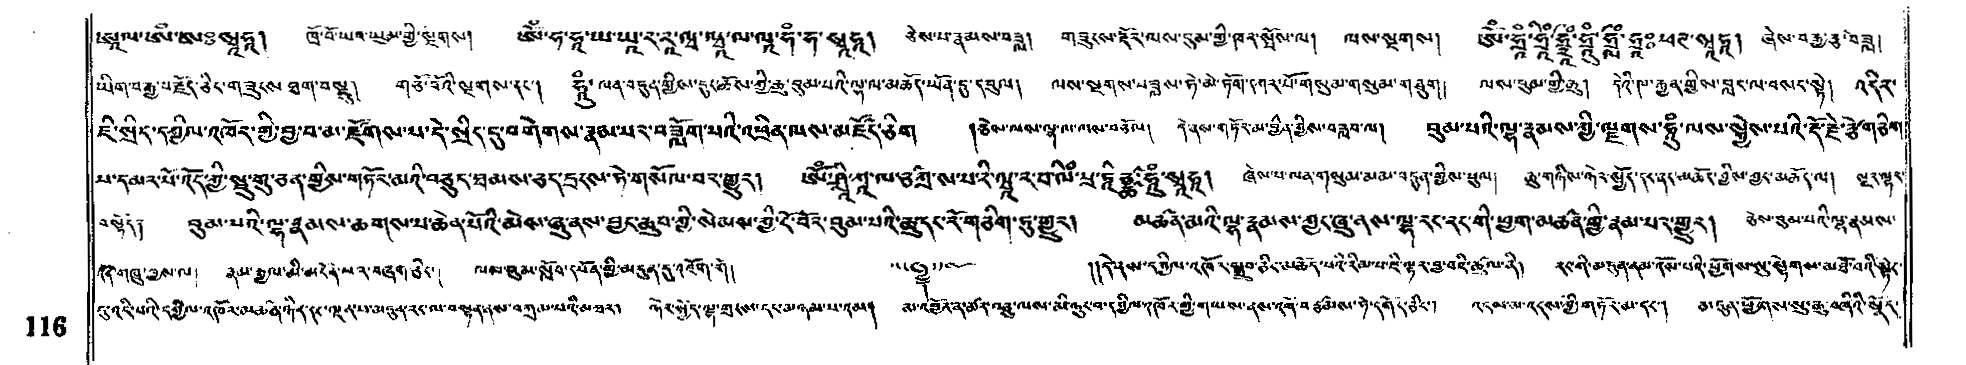ཨཱ་ལ་ཨཾ་ཨཿ སྭཱ་ཧཱ། ཁྲོ་བོ་ཡབ་ཡུམ་གྱི་སྔགས།  ཨོཾ་ཧ་ཧཱ་ཡ་ཡཱ་ར་རཱ་ཝ་ཝཱ་ལ་ལཱ་ཧཾ་ཧ་སྭཱ་ཧཱ། ཅེས་པ་རྣམས་བཟླ། གཟུངས་རྡོར་ལས་བུམ་གྱི་ཁར་སྤོས་ལ།  ལས་སྔགས། ཨོཾ་ཧྲཱཾ་ཧྲཱིཾ་ཧྲཱིཾ་ཧྲཱུཾ་ཧློཾ་ཧྲཱཿ ཕཊ་སྭཱ་ཧཱ། ཞེས་བརྒྱ་རྩ་བཟླ།
ཡིག་བརྒྱ་བརྗོད་ཅིང་གཟུངས་ཐག་བསྡུ། གཙོ་བོའི་སྔགས་དང་།  ཧཱུཾ་ལན་བདུན་གྱིས་དུང་ཆོས་ཀྱི་ཆུ་བུམ་པའི་ལྷ་ལ་མཆོད་ཡོན་དུ་དབུལ། ལས་སྔགས་བཟླས་ཏེ་མེ་ཏོག་དཀར་པོ་གསུམ་གསུམ་གཞུག། ལས་བུམ་གྱི་ཆུ། དེའི་ཁ་རྒྱན་གྱིས་བླང་ལ་བསང་སྟེ།  འདིར་
ཇི་སྲིད་དཀྱིལ་འཁོར་གྱི་བྱ་བ་མ་རྫོགས་པ་དེ་སྲིད་དུ་བགེགས་རྣམ་པར་བཟློག་པའི་འཕྲིན་ལས་མཛོད་ཅིག་།ཅེས་ལས་ལྷ་ལ་ལས་བཅོལ། དེ་ནས་གཏོར་མ་བྱིན་གྱིས་བརླབ་ལ།  བུམ་པའི་ལྷ་རྣམས་ཀྱི་ལྗགས་ཧཱུཾ་ལས་སྐྱེས་པའི་རྡོ་རྗེ་རྩེ་གཅིག་
པ་དམར་པོ་འོད་ཀྱི་སྦུ་གུ་ཅན་གྱིས་གཏོར་མའི་བཅུད་ཐམས་ཅད་དྲངས་ཏེ་གསོལ་བར་གྱུར། ཨོཾ་ཤྲཱི་ཀཱ་ལ་ཙཀྲ་ས་པ་རི་ཝཱ་ར་བ་ལིཾ་པྲ་ཏཱི་ཙྪ་ཧཱུཾ་སྭཱ་ཧཱ། ཞེས་པ་ལན་གསུམ་མམ་བདུན་གྱིས་ཕུལ། ཆུ་གཉིས་ཉེར་སྤྱོད་དང་ནང་མཆོད་ཀྱིས་ཀྱང་མཆོད་ལ། སྔར་ལྟར་
བསྟོད༑ བུམ་པའི་ལྷ་རྣམས་ཆགས་པ་ཆེན་པོའི་མེས་ཞུ་ནས་བྱང་ཆུབ་ཀྱི་སེམས་ཀྱི་ངོ་བོར་བུམ་པའི་ཆུ་དང་རོ་གཅིག་ཏུ་གྱུར། མཚན་མའི་ལྷ་རྣམས་ཀྱང་ཞུ་ནས་ལྷ་རང་རང་གི་ཕྱག་མཚན་གྱི་རྣམ་པར་གྱུར། ཅེས་བུམ་པའི་ལྷ་རྣམས་
འོད་གཞུ་བྱས་ལ། རྣམ་རྒྱལ་མི་མངོན་པར་བཞག་ཅིང་། ལས་བུམ་སློབ་དཔོན་གྱི་མདུན་དུ་འཇོག་གོ། ༈ །།དེ་ནས་དཀྱིལ་འཁོར་སྒྲུབ་ཅིང་མཆོད་པའི་རིམ་པ་ཇི་ལྟར་བྱ་བའི་ཚུལ་ནི། རང་གི་མདུན་ནས་འོས་པའི་ཕྱོགས་སུ་སྟེགས་མཐོ་བའི་སྟེང་
དུ་འདི་པའི་དཀྱིལ་འཁོར་མཚན་ཉིད་དང་ལྡན་པ་མདུན་རང་ལ་བསྟན་ནས་བཀྲས་པའི་མཐར། ཉེར་སྤྱོད་ལྷ་གྲངས་དང་མཉམ་པའམ། མ་འབྱོར་ན་ཚར་བཅུ་ལས་མི་ཉུང་བ་དཀྱིལ་འཁོར་གྱི་གཡས་ནས་འོག་བརྩམས་ཏེ་དགོད་ཅིང་། འདས་མ་འདས་གྱི་གཏོར་མ་དང་། མདུན་ཕྱོགས་སུ་ཆུ་བཞིའི་སྣོད་